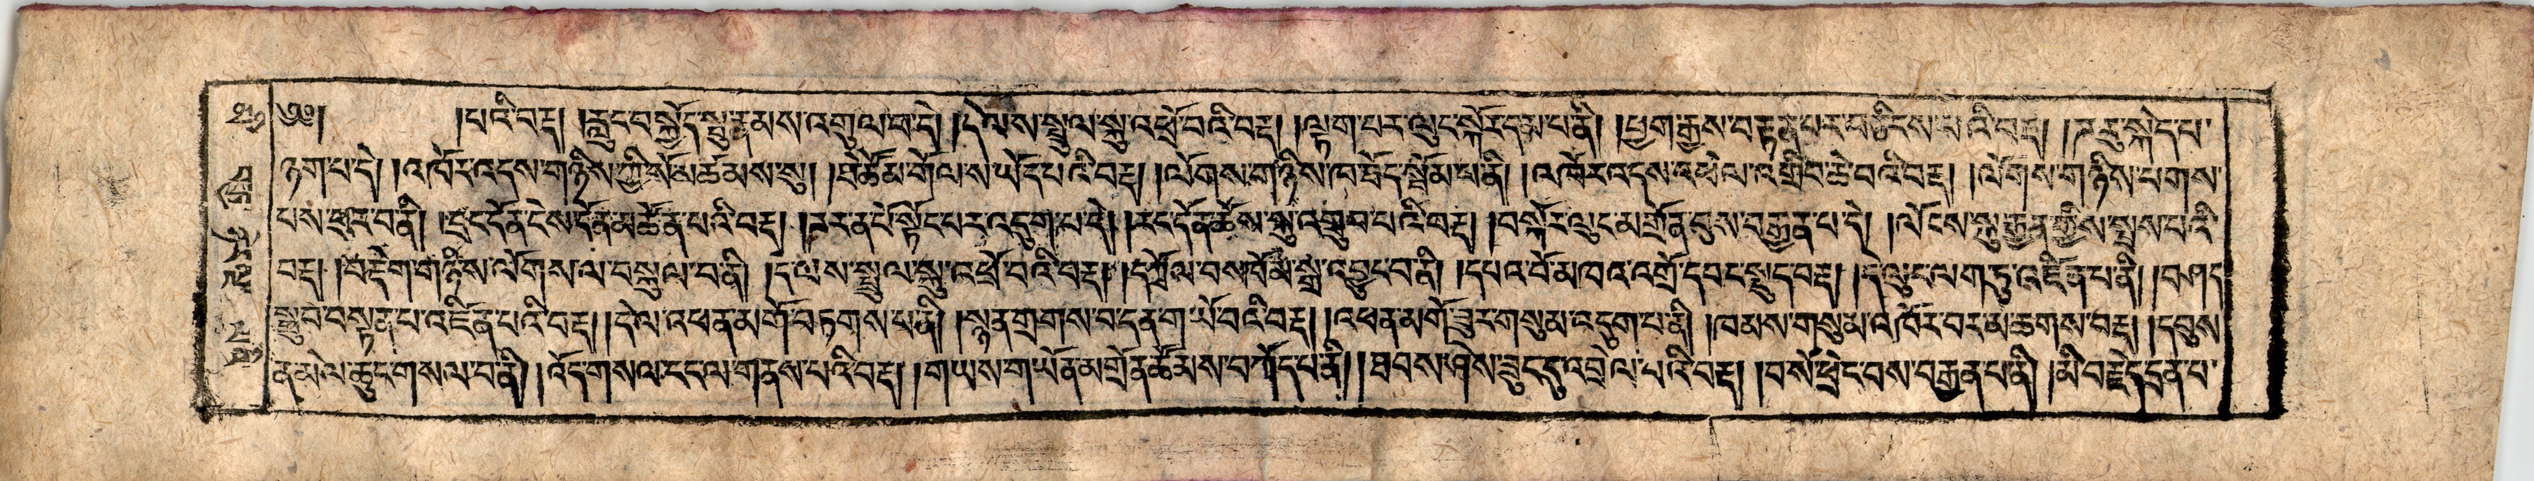པའི་བརྡ། །རླུང་བསྐྱོད་སྤུ་རྣམས་འགུལ་བ་དེ། །དེ་ལས་སྤྲུལ་སྐུ་འཕྲོ་བའི་བརྡ། །ལྟག་པར་ལུང་སྐོར་དམ་པ་ནི། །ཕྱག་རྒྱས་བརྟན་པར་བཅིངས་པའི་བརྡ། །ཌཱ་རུ་སྐེད་པ་
ཉག་པ་དེ། །འཁོར་འདས་གཉིས་ཀྱི་སོ་མཚམས་སུ། །ཐེ་ཚོམ་གོལ་ས་ཡོད་པའི་བརྡ། །ལོགས་གཉིས་ཐ་ཐོད་སྦོམ་པ་ནི། །འཁོར་འདས་འཕེལ་འགྲིབ་ཆེ་བའི་བརྡ། །ལོགས་གཉིས་པགས་
པས་ཕུར་བ་ནི། །དྲང་དོན་ངེས་དོན་མཚོན་པའི་བརྡ། །ཌར་ནང་སྟོང་པར་འདུག་པ་དེ། ། རང་དོན་ཆོས་སྐུ་འགྲུབ་པའི་བརྡ། །བསྐོར་ལུང་མགྲོན་བུས་བརྒྱན་པ་དེ། །ལོངས་སྐུ་རྒྱན་གྱིས་སྨྲས་པའི་
བརྡ། །བརྡེག་གཉིས་ལོགས་ལ་བསྐུལ་བ་ནི། །དེ་ལས་སྤྲུལ་སྐུ་འཕྲོ་བའི་བརྡ། །དཀྲོལ་བས་བོམ་སྒྲ་འབྱུང་བ་ནི། །དཔའ་བོ་མཁའ་འགྲོ་དབང་སྡུད་བརྡ། །དེ་ལུང་ལག་ཏུ་འཛིན་པ་ནི། །བཤད་
སྒྲུབ་བསྟན་པ་འཛིན་པའི་བརྡ། །དེ་ལ་འཕན་མགོ་བཏགས་པའི། །སྙན་གྲགས་བ་དན་གཡོ་བའི་བརྡ། །འཕན་མགོ་ཟུར་གསུམ་འདུག་པ་ནི། །ཁམས་གསུམ་འཁོར་བར་མ་ཆགས་བརྡ། །དབུས་
ན་མལ་ཆུང་གསལ་བ་ནི། །འོད་གསལ་ངང་ལ་གནས་པའི་བརྡ། །གཡས་གཡོན་མགྲོན་ཚོམས་ཁྲོད་པ་ནི། །ཐབས་ཤེས་ཟུང་དུ་འབྲེལ་བའི་བརྡ། །བ་སོ་ཕྲེང་བས་བརྒྱན་པ་ནི། །མི་བརྗེད་དྲན་པ་